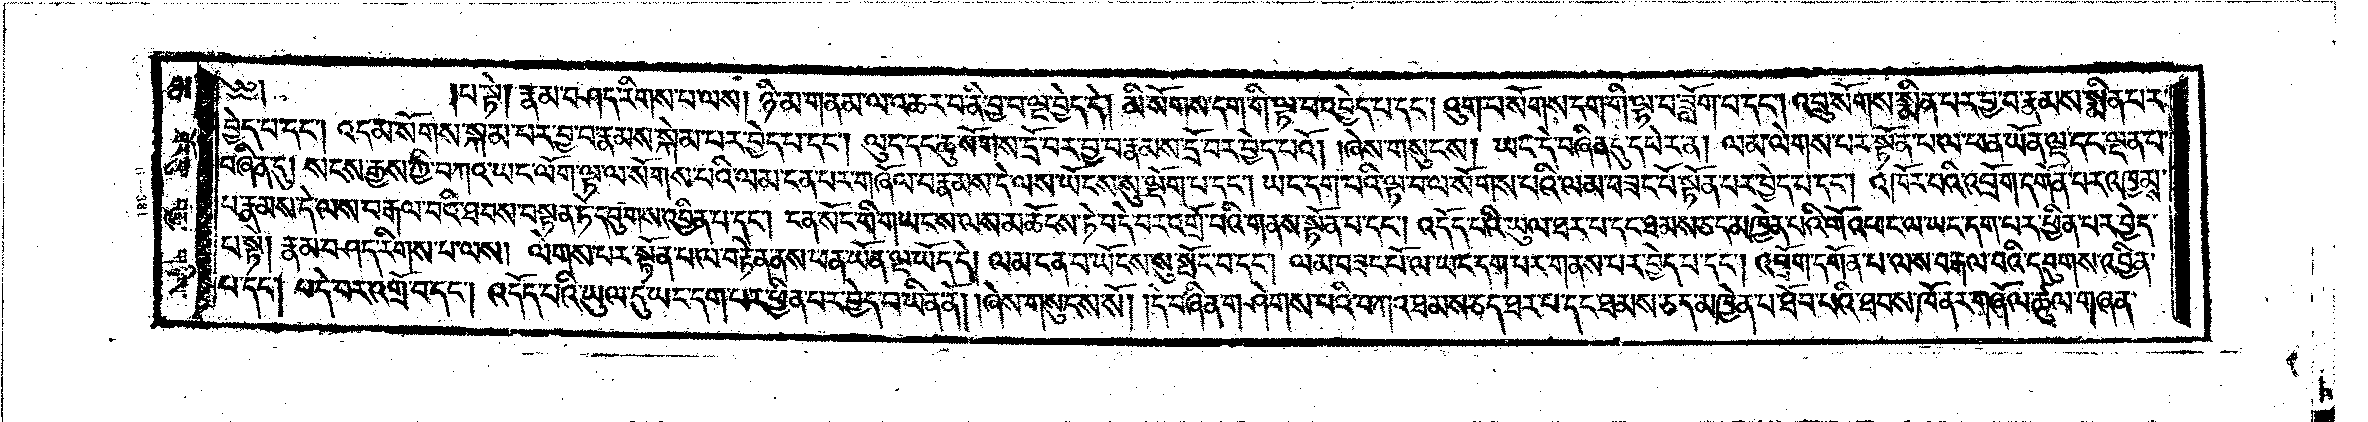༄༅། །པ་སྟེ། རྣམ་བཤད་རིགས་པ་ལས། ཉི་མ་གནམ་ལ་འཆར་བ་ནི་བྱ་བ་ལྔ་བྱེད་དེ། མི་སོགས་དག་གི་ལྟ་བ་འབྱེད་པ་དང་། འུག་པ་སོགས་དག་གི་ལྟ་བ་ཟློག་པ་དང་། འབྲུ་སོགས་སྨིན་པར་བྱ་བ་རྣམས་སྨིན་པར་
བྱེད་པ་དང་། འདམ་སོགས་སྐམ་པར་བྱ་བ་རྣམས་སྐེམ་པར་བྱེད་པ་དང་། ལུད་དང་ཆུ་སོགས་དྲོ་བར་བྱ་བ་རྣམས་དྲོ་བར་བྱེད་པའོ། །ཞེས་གསུངས། ཡང་དེ་བཞིན་དུ་དཔེར་ན། ལམ་ལེགས་པར་སྟོན་པ་ལ་ཕན་ཡོན་ལྔ་དང་ལྡན་པ་
བཞིན་དུ། སངས་རྒྱས་ཀྱི་བཀའ་ཡང་ལོག་ལྟ་ལ་སོགས་པའི་ལམ་ངན་པར་གཞོལ་བ་རྣམས་དེ་ལས་ཡོངས་སུ་ལྡོག་པ་དང་། ཡང་དག་པའི་ལྟ་བ་ལ་སོགས་པའི་ལམ་བཟང་པོ་སྟོན་པར་བྱེད་པ་དང་། འཁོར་བའི་འབྲོག་དགོན་པར་འཁྱམས་
པ་རྣམས་དེ་ལས་བརྒལ་བའི་ཐབས་བསྟན་ཏེ་དབུགས་འབྱིན་པ་དང་། ངན་སོང་གི་གཡང་ས་ལས་མཆོངས་ཏེ་བདེ་བར་འགྲོ་བའི་གནས་སྟོན་པ་དང་། འདོད་པའི་ཡུལ་ཐར་པ་དང་ཐམས་ཅད་མཁྱེན་པའི་གོ་འཕང་ལ་ཡང་དག་པར་ཕྱིན་པར་བྱེད་
པ་སྟེ། རྣམ་བཤད་རིགས་པ་ལས། ལེགས་པར་སྟོན་པ་ལ་བརྟེན་ནས་ཕན་ཡོན་ལྔ་ཡོད་དེ། ལམ་ངན་པ་ཡོངས་སུ་སྤོང་བ་དང་། ལམ་བཟང་པོ་ལ་ཡང་དག་པར་གནས་པར་བྱེད་པ་དང་། འབྲོག་དགོན་པ་ལས་བརྒལ་བའི་དབུགས་འབྱིན་
པ་དང་། བདེ་བར་འགྲོ་བ་དང་། འདོད་པའི་ཡུལ་དུ་ཡང་དག་པར་ཕྱིན་པར་བྱེད་པ་ཡིན་ནོ། །ཞེས་གསུངས་སོ། །དེ་བཞིན་གཤེགས་པའི་བཀའ་ཐམས་ཅད་ཐར་པ་དང་ཐམས་ཅད་མཁྱེན་པ་ཐོབ་པའི་ཐབས་ཁོ་ནར་གཞོལ་ཚུལ་གཞན་